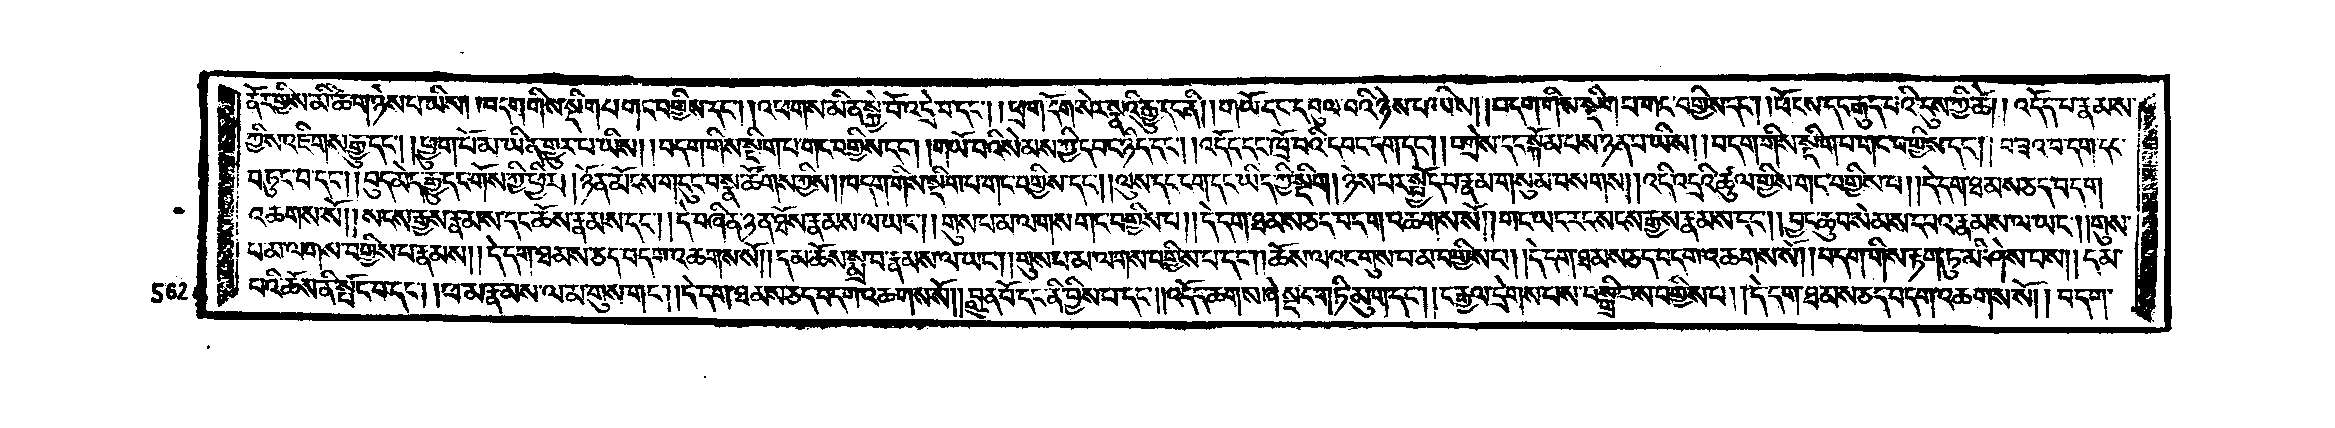ནོར་གྱིས་མི་ཚེག་ཉེས་པ་ཡིས། །བདག་གིས་སྡིག་པ་གང་བགྱིས་དང་། །འཕགས་མིན་སྐྱེ་བོ་འདྲེ་བ་དང་། །ཕྲག་དོག་སེར་སྣའི་རྒྱུ་དང་ནི། །གཡོ་དང་དབུལ་བའི་ཉེས་པ་ཡིས། །བདག་གིས་སྡིག་པ་གང་བགྱིས་དང་། །ཕོངས་དང་རྒུད་པའི་དུས་ཀྱི་ཚེ། །འདོད་པ་རྣམས་
ཀྱིས་འཇིགས་རྒྱུ་དང་། །ཕྱུག་པོ་མ་ཡིན་གྱུར་པ་ཡིས། །བདག་གིས་སྡིག་པ་གང་བགྱིས་དང་། །གཡོ་བའི་སེམས་ཀྱི་དབང་ཉིད་དང་། །འདོད་དང་ཁྲོ་བའི་དབང་དག་དང་། །བཀྲེས་དང་སྐོམ་པས་ཉེན་པ་ཡིས། །བདག་གིས་སྡིག་པ་གང་བགྱིས་དང་། །བཟའ་བ་དག་དང་
བཏུང་བ་དང་། །བུད་མེད་རྒྱུ་དང་གོས་ཀྱི་ཕྱིར། །ཉོན་མོངས་གདུང་བ་སྣ་ཚོགས་ཀྱིས། །བདག་གིས་སྡིག་པ་གང་བགྱིས་དང་། །ལུས་དང་ངག་དང་ཡིད་ཀྱི་སྡིག །ཉེས་པར་སྤྱད་པ་རྣམ་གསུམ་བསགས། །འདི་འདྲའི་ཚུལ་གྱིས་གང་བགྱིས་པ། །དེ་དག་ཐམས་ཅད་བདག་
འཆགས་སོ། །སངས་རྒྱས་རྣམས་དང་ཆོས་རྣམས་དང་། །དེ་བཞིན་ཉན་ཐོས་རྣམས་ལ་ཡང་། །གུས་པ་མ་ལགས་གང་བགྱིས་པ། །དེ་དག་ཐམས་ཅད་བདག་འཆགས་སོ། །གང་ཡང་རང་སངས་རྒྱས་རྣམས་དང་། །བྱང་ཆུབ་སེམས་དཔའ་རྣམས་ལ་ཡང་། །གུས་
པ་མ་ལགས་བགྱིས་པ་རྣམས། །དེ་དག་ཐམས་ཅད་བདག་འཆགས་སོ། །དམ་ཆོས་སྨྲ་བ་རྣམས་ལ་ཡང་། །གུས་པ་མ་ལགས་བགྱིས་པ་དང་། །ཆོས་ལའང་གུས་པ་མ་བགྱིས་པ། །དེ་དག་ཐམས་ཅད་བདག་འཆགས་སོ། །བདག་གིས་རྟག་ཏུ་མི་ཤེས་པས། །དམ་
པའི་ཆོས་ནི་སྤོང་བ་དང་། །ཕ་མ་རྣམས་ལ་མ་གུས་གང་། །དེ་དག་ཐམས་ཅད་བདག་འཆགས་སོ། །བླུན་པོ་དང་ནི་བྱིས་པ་དང་། །འདོད་ཆགས་ཞེ་སྡང་གཏི་མུག་དང་། །ང་རྒྱལ་དྲེགས་པས་བསྒྲིབས་བགྱིས་པ། །དེ་དག་ཐམས་ཅད་བདག་འཆགས་སོ། །བདག་